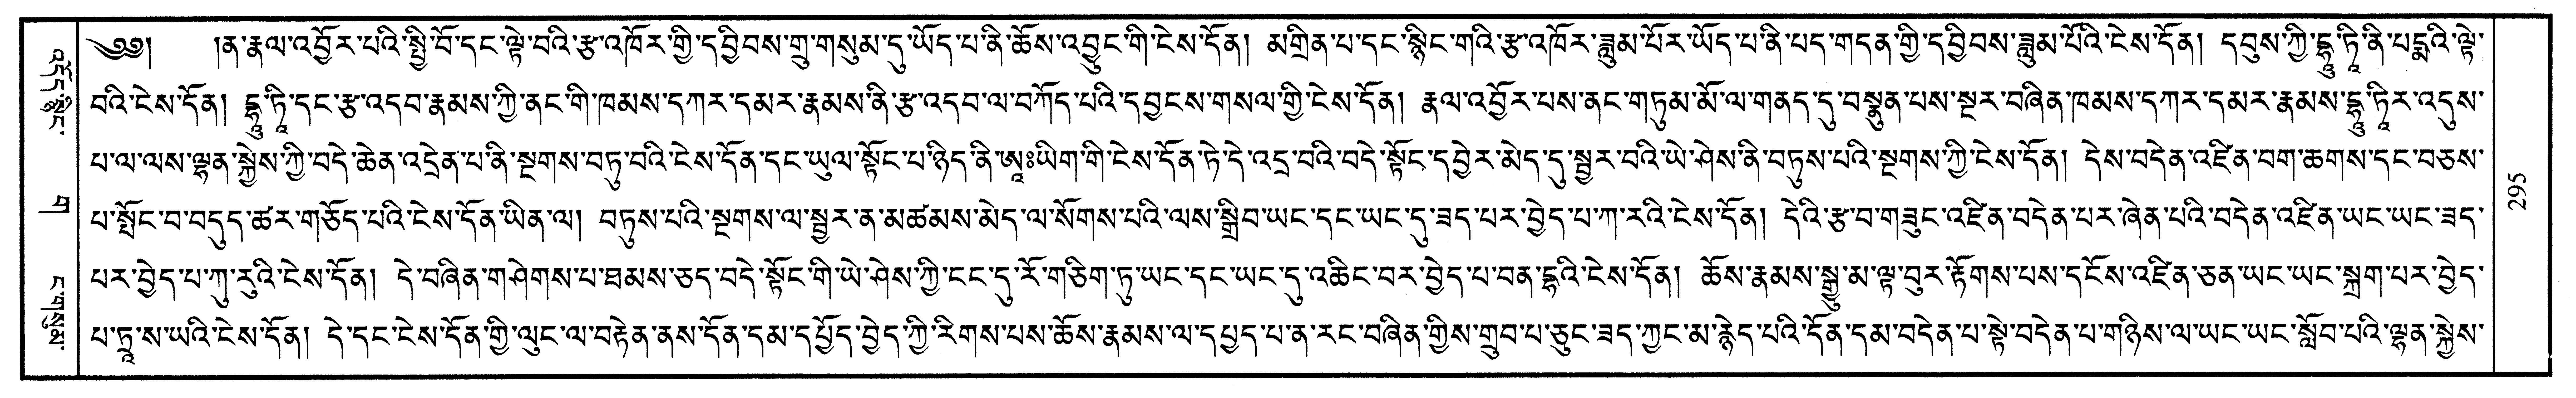༄༅། །ན་རྣལ་འབྱོར་པའི་སྤྱི་བོ་དང་ལྟེ་བའི་རྩ་འཁོར་གྱི་དབྱིབས་གྲུ་གསུམ་དུ་ཡོད་པ་ནི་ཆོས་འབྱུང་གི་ངེས་དོན། མགྲིན་པ་དང་སྙིང་གའི་རྩ་འཁོར་ཟླུམ་པོར་ཡོད་པ་ནི་པད་གདན་གྱི་དབྱིབས་ཟླུམ་པོའི་ངེས་དོན། དབུས་ཀྱི་དྷཱུ་ཏཱི་ནི་པདམའི་ལྟེ་
བའི་ངེས་དོན། དྷཱུ་ཏཱི་དང་རྩ་འདབ་རྣམས་ཀྱི་ནང་གི་ཁམས་དཀར་དམར་རྣམས་ནི་རྩ་འདབ་ལ་བཀོད་པའི་དབྱངས་གསལ་གྱི་ངེས་དོན། རྣལ་འབྱོར་པས་ནང་གཏུམ་མོ་ལ་གནད་དུ་བསྣུན་པས་སྔར་བཞིན་ཁམས་དཀར་དམར་རྣམས་དྷཱུ་ཏཱིར་འདུས་
པ་ལ་ལས་ལྷན་སྐྱེས་ཀྱི་བདེ་ཆེན་འདྲེན་པ་ནི་སྔགས་བཏུ་བའི་ངེས་དོན་དང་ཡུལ་སྟོང་པ་ཉིད་ནི་ཨཱཿ ཡིག་གི་ངེས་དོན་ཏེ་དེ་འདྲ་བའི་བདེ་སྟོང་དབྱེར་མེད་དུ་སྦྱར་བའི་ཡེ་ཤེས་ནི་བཏུས་པའི་སྔགས་ཀྱི་ངེས་དོན། དེས་བདེན་འཛིན་བག་ཆགས་དང་བཅས་
པ་སྤོང་བ་བདུད་ཚར་གཅོད་པའི་ངེས་དོན་ཡིན་ལ། བཏུས་པའི་སྔགས་ལ་སྦྱར་ན་མཚམས་མེད་ལ་སོགས་པའི་ལས་སྒྲིབ་ཡང་དང་ཡང་དུ་ཟད་པར་བྱེད་པ་ཀ་རའི་ངེས་དོན། དེའི་རྩ་བ་གཟུང་འཛིན་བདེན་པར་ཞེན་པའི་བདེན་འཛིན་ཡང་ཡང་ཟད་
པར་བྱེད་པ་ཀུ་རུའི་ངེས་དོན། དེ་བཞིན་གཤེགས་པ་ཐམས་ཅད་བདེ་སྟོང་གི་ཡེ་ཤེས་ཀྱི་ངང་དུ་རོ་གཅིག་ཏུ་ཡང་དང་ཡང་དུ་འཆིང་བར་བྱེད་པ་བན་དྷའི་ངེས་དོན། ཆོས་རྣམས་སྒྱུ་མ་ལྟ་བུར་རྟོགས་པས་དངོས་འཛིན་ཅན་ཡང་ཡང་སྐྲག་པར་བྱེད་
པ་ཏྲཱ་ས་ཡའི་ངེས་དོན། དེ་དང་ངེས་དོན་གྱི་ལུང་ལ་བརྟེན་ནས་དོན་དམ་དཔྱོད་བྱེད་ཀྱི་རིགས་པས་ཆོས་རྣམས་ལ་དཔྱད་པ་ན་རང་བཞིན་གྱིས་གྲུབ་པ་ཅུང་ཟད་ཀྱང་མ་རྙེད་པའི་དོན་དམ་བདེན་པ་སྟེ་བདེན་པ་གཉིས་ལ་ཡང་ཡང་སློབ་པའི་ལྷན་སྐྱེས་